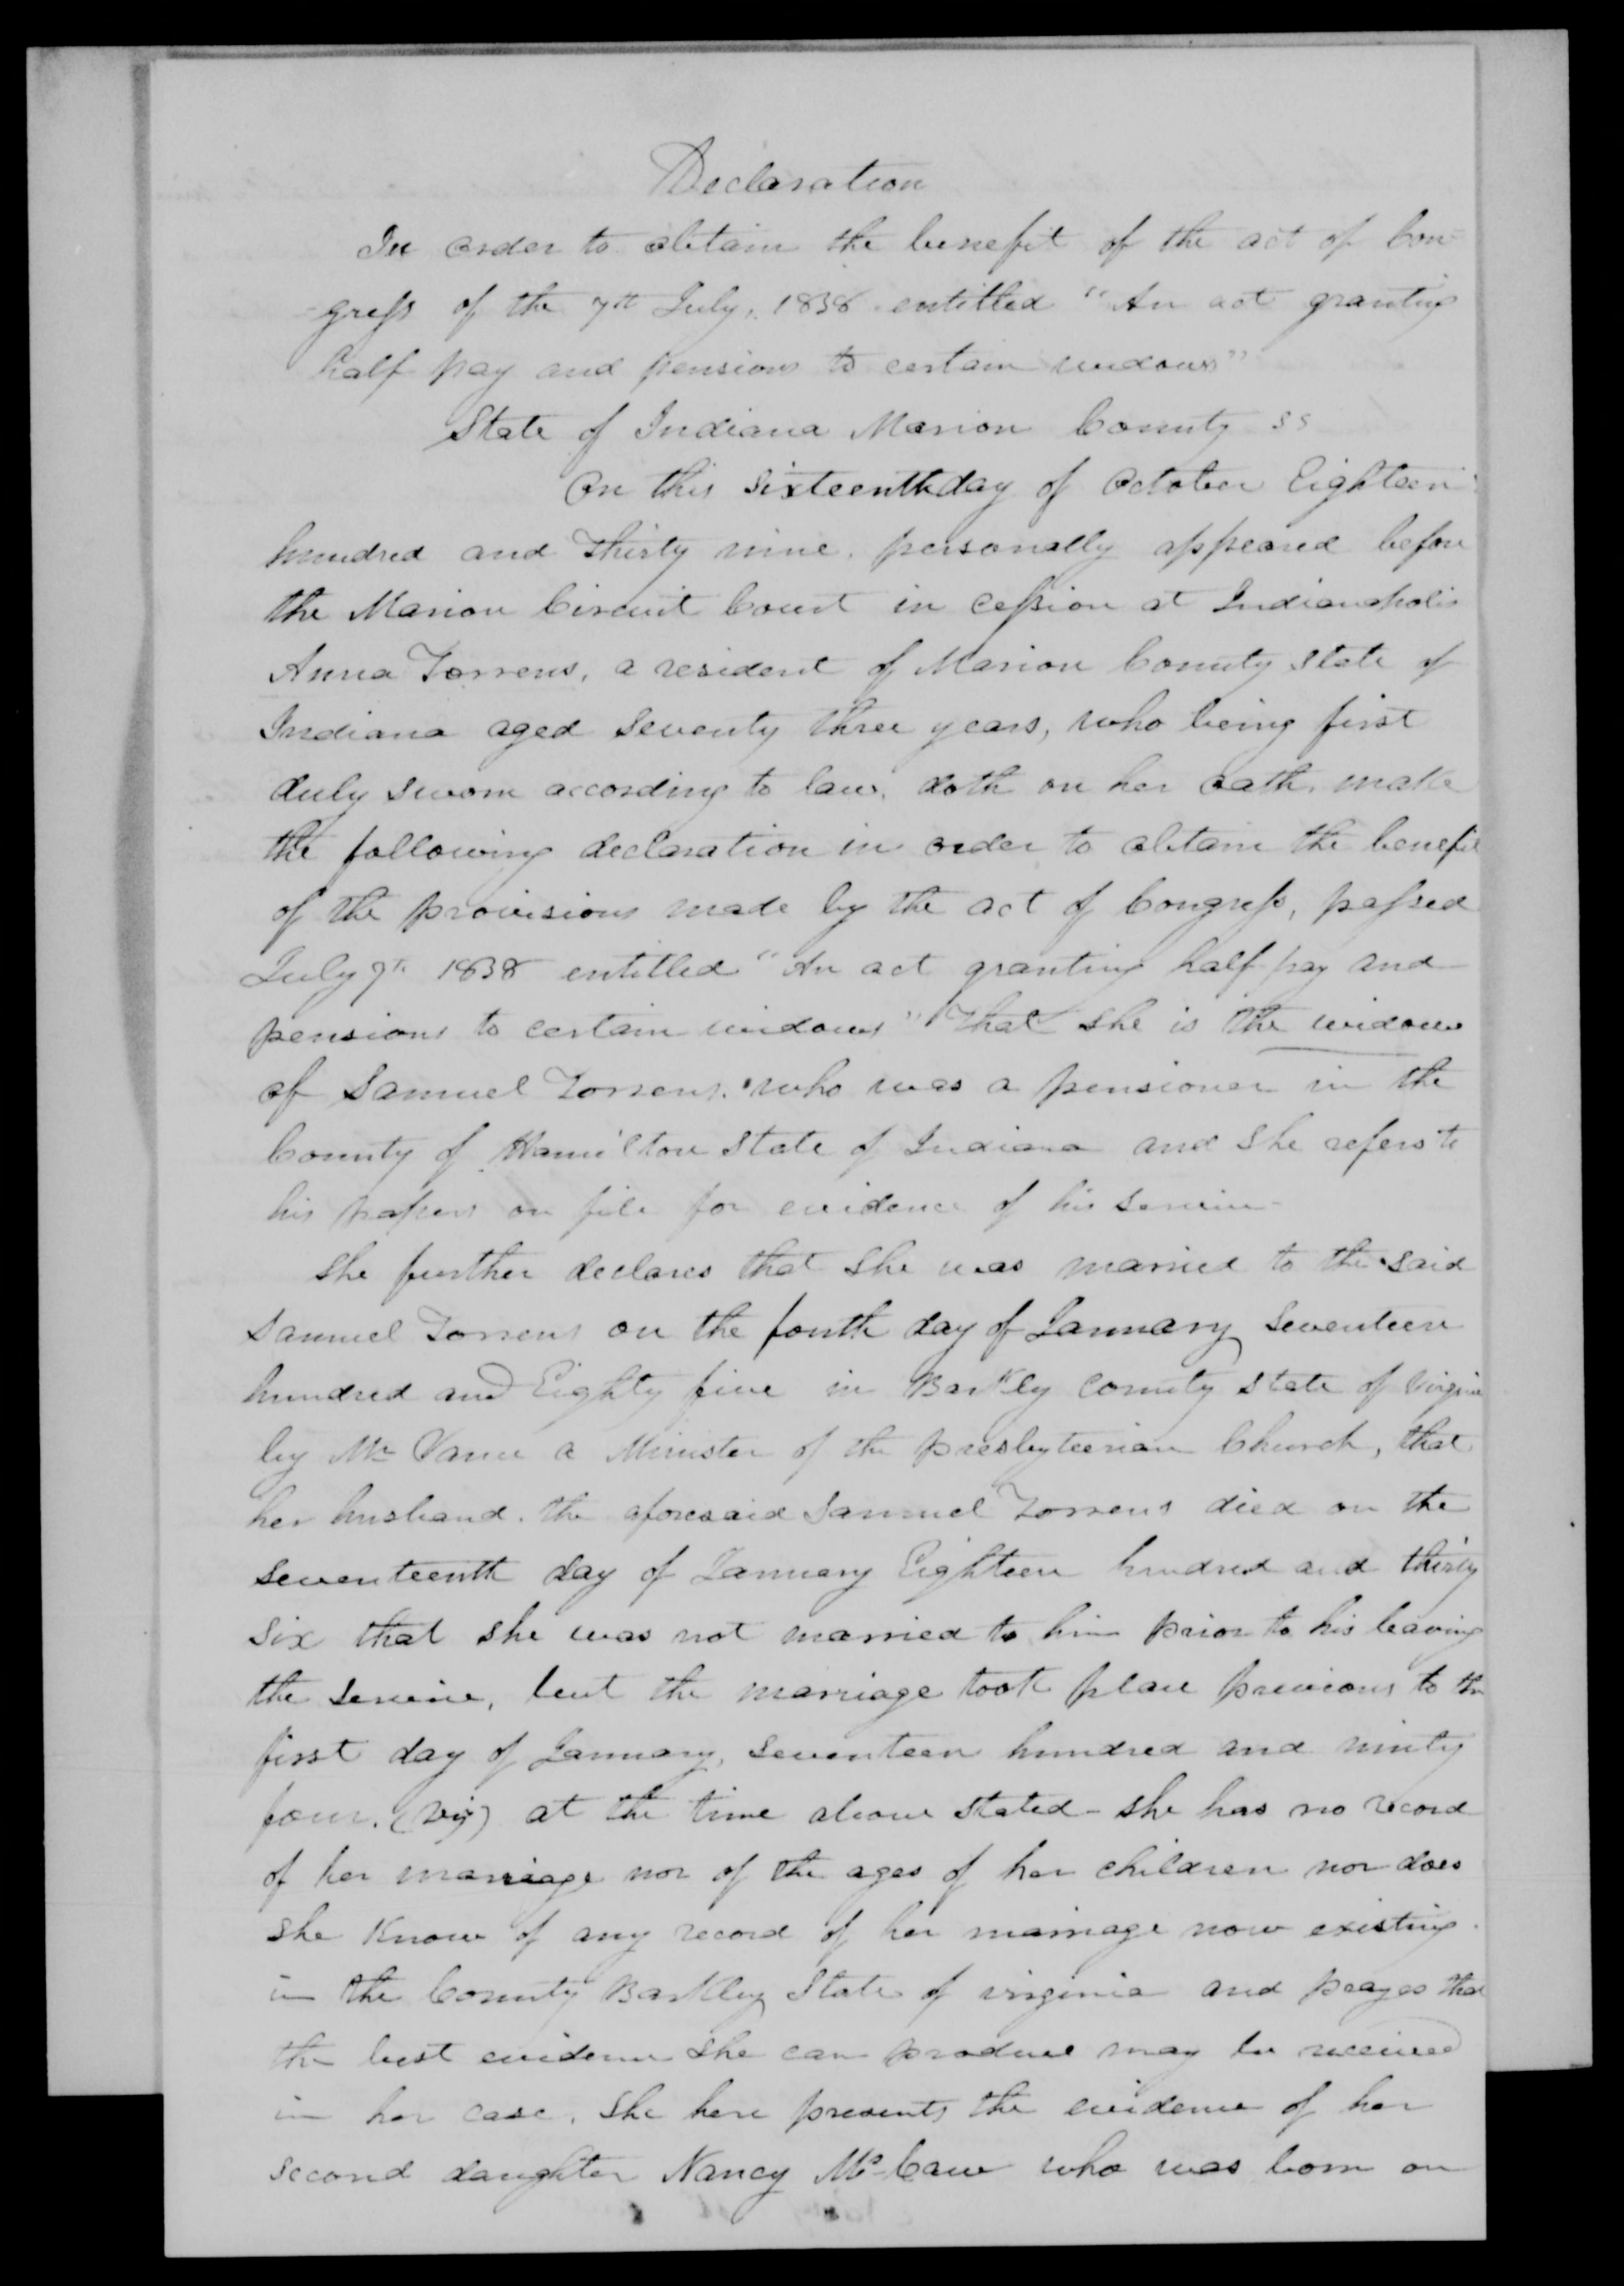Declaration
In order to obtain the benefit of the act of Congress of the 7th July, 1838, entitled "An act granting half pay and pensions to certain widows"
State of Indiana Marion County ss
On this sixteenth day of October Eighteen hundred and Thirty nine, personally appeared before the Marion Circuit Court in session at Indianapolis Anna Torrens, a resident of Marion County, State of Indiana aged Seventy three years, who being first duly sworn according to law, doth on her oath, make the following declaration in order to obtain the benefit of the provisions made by the Act of Congress, passed July 9th 1838 entitled "An act granting half-pay and pensions to certain widows" That she is the widow of Samuel Torrens who was a pensioner in the County of Hamilton State of Indiana and she refers to his papers on file for evidence of his service-
She further declares that she was married to the said Samuel Torrens on the fourth day of January, Seventeen hundred and Eighty five in Berkley County State of Virginia by Mr. Vance a Minister of the Presbyterian Church, that her husband the aforesaid Samuel Torrens died on the Seventeenth day of January Eighteen hundred and thirty six that she was not married to him prior to his leaving the service, but the marriage took place previous to the first day of January, Seventeen hundred and ninety four. (Viz) at the time above stated - she has no record of her marriage nor of the ages of her children nor does she know of any record of her marriage now existing in the County Berkeley State of Virginia and prays that the best evidence she can produce may be received in her case. She here presents the evidence of her second daughter Nancy McCaw who was born on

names: Nancy Mc Caw, Vance, Samuel Torrens, Samuel Torrens, Samuel Torrens, Anna Torrens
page: 14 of 27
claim: widow's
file: W. 9860, Samuel Torrons, Va.